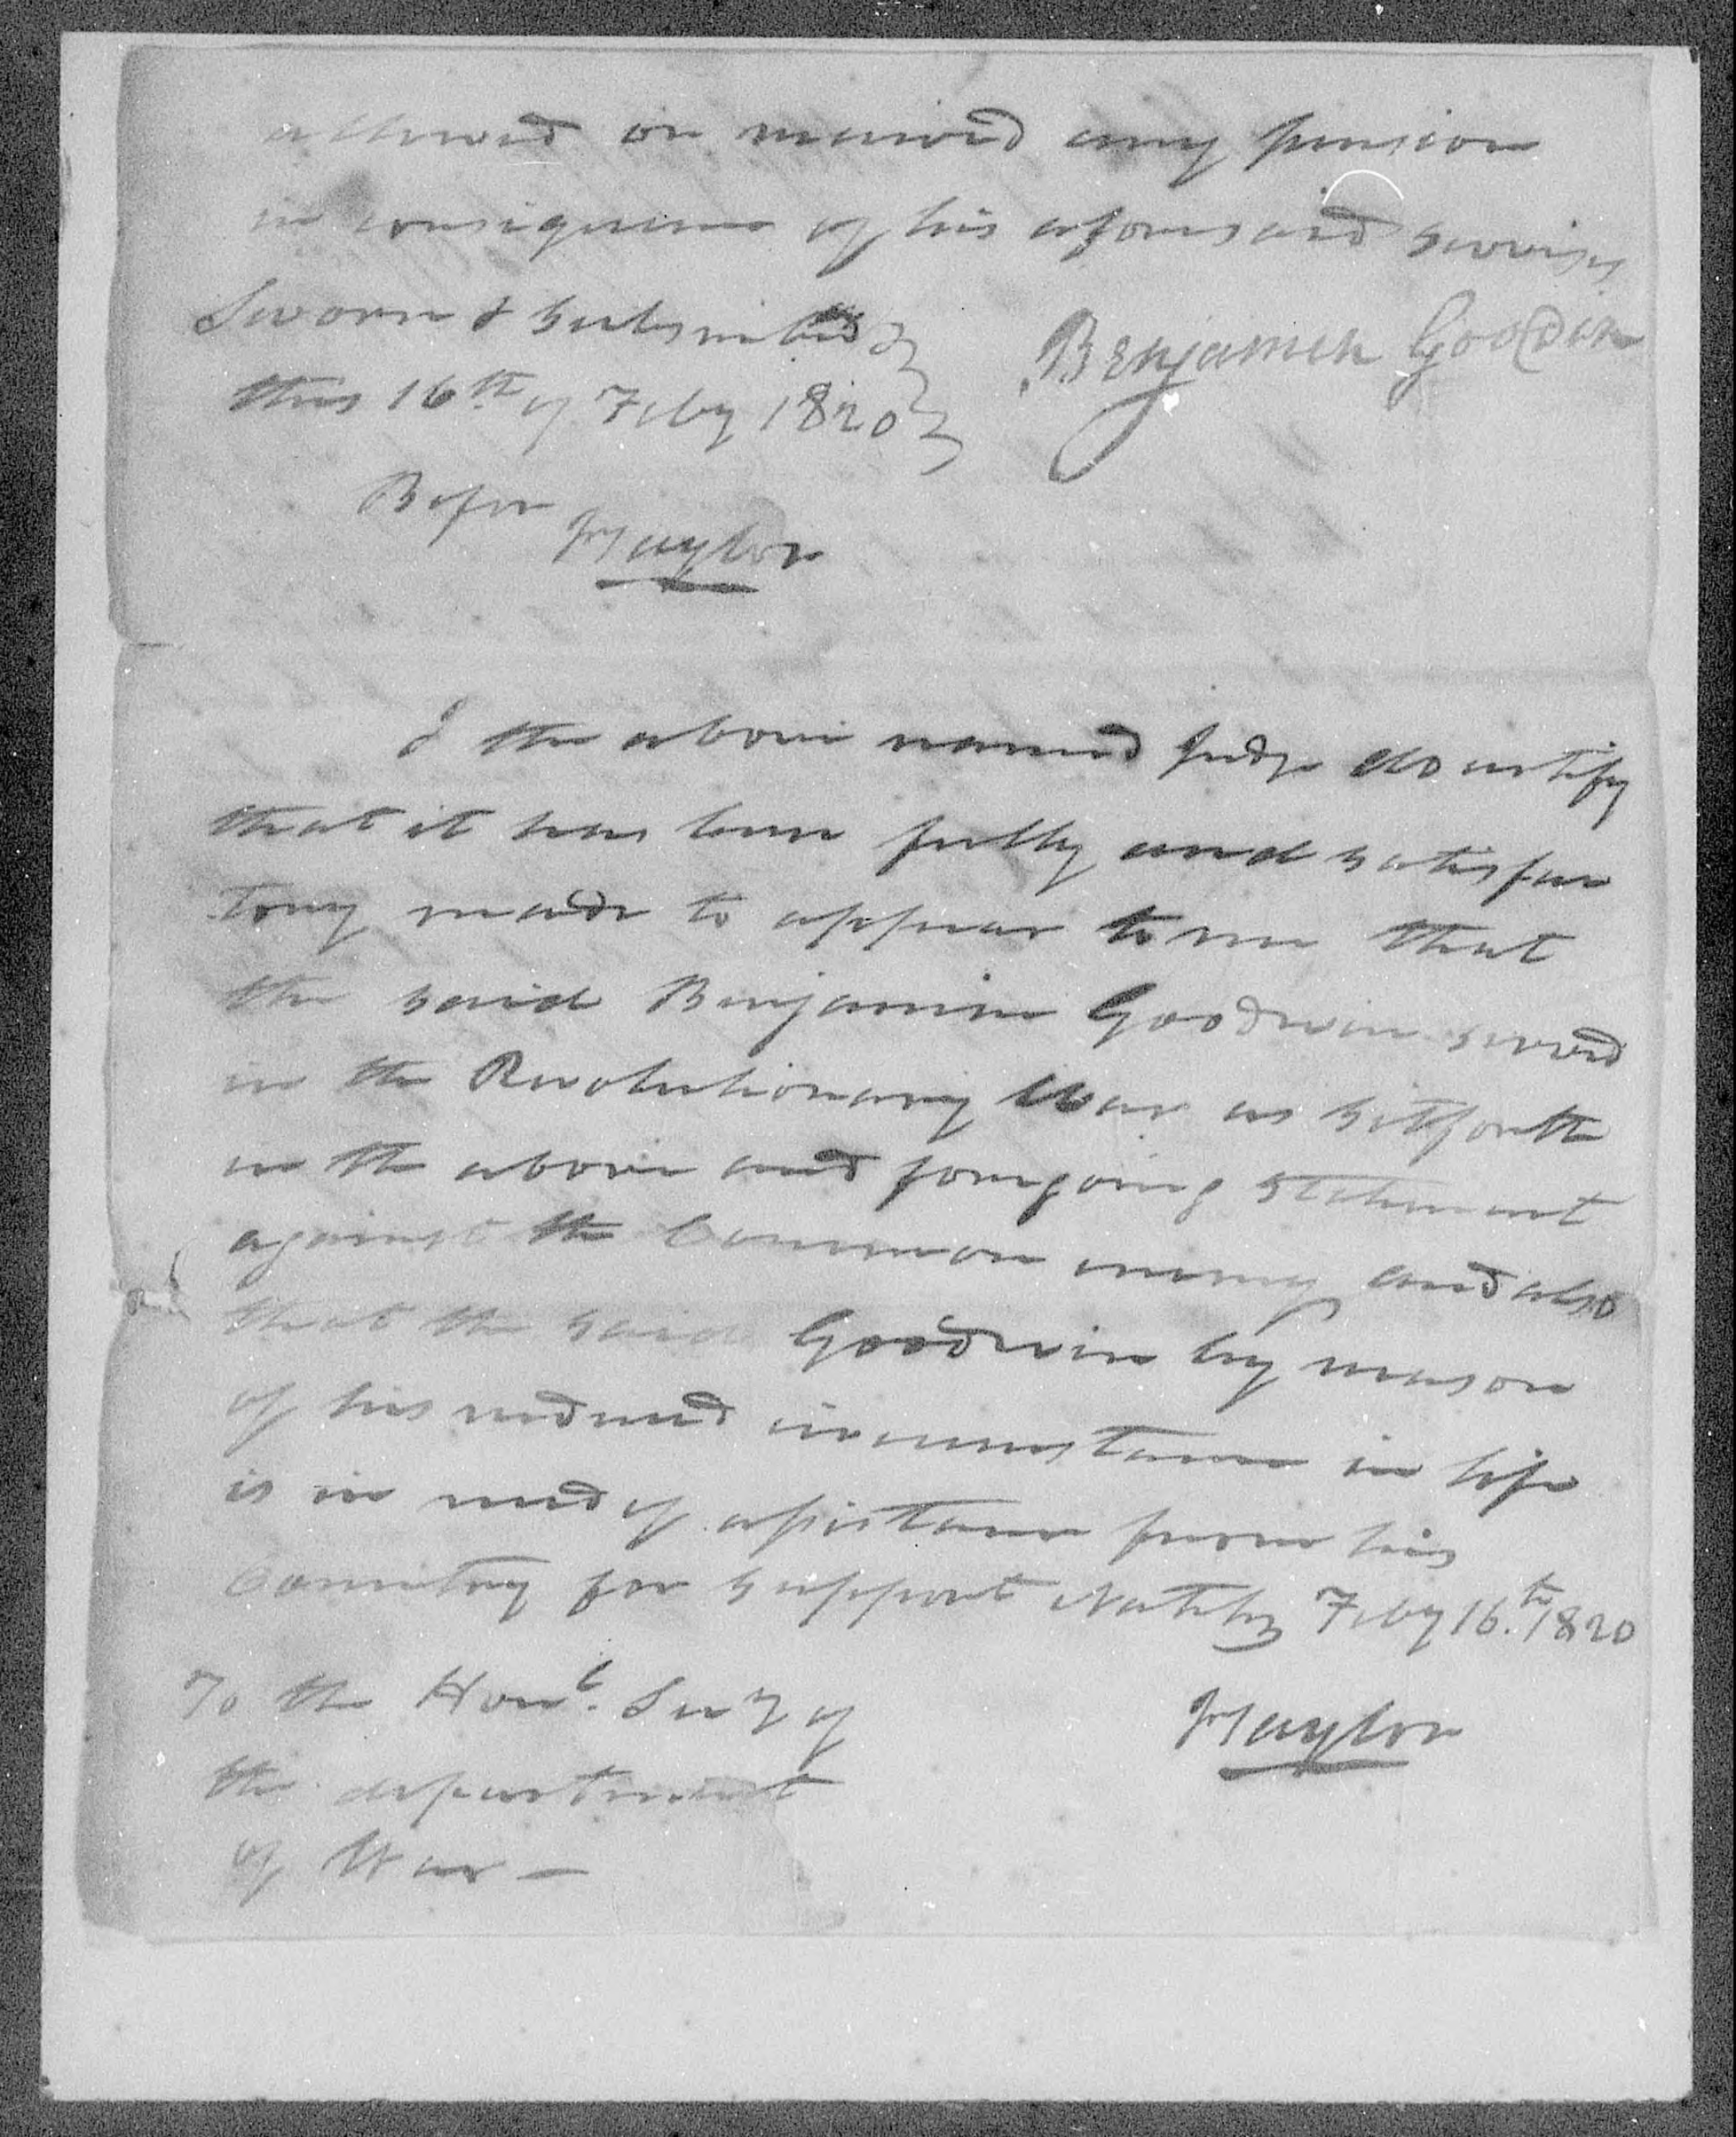attened(:) or married using pensions in consequence of his aforesaid service.
Sworn & subscribed this 16th of Feby. 1820} 
Benjamin Goodwin
Before J. Taylor
I the above named Judge do certify that it has been fully and satisfactory made to appear to me that the said Benjamin Goodwin served in the Revolutionary War as set forth in the above and foregoing statement against the Common enemy and also that the said Goodwin by reason of his reduced circumstances in life is iNuthz(?) Feby. 16th 1820
J. Taylor
To the Honl. Sir y y the department of War -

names: Taylor, Taylor, Goodwin, Benjamin Goodwin, Benjamin Goodwin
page: 6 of 24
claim: survivor's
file: S. 34903, Benjamin Goodwin, Va.